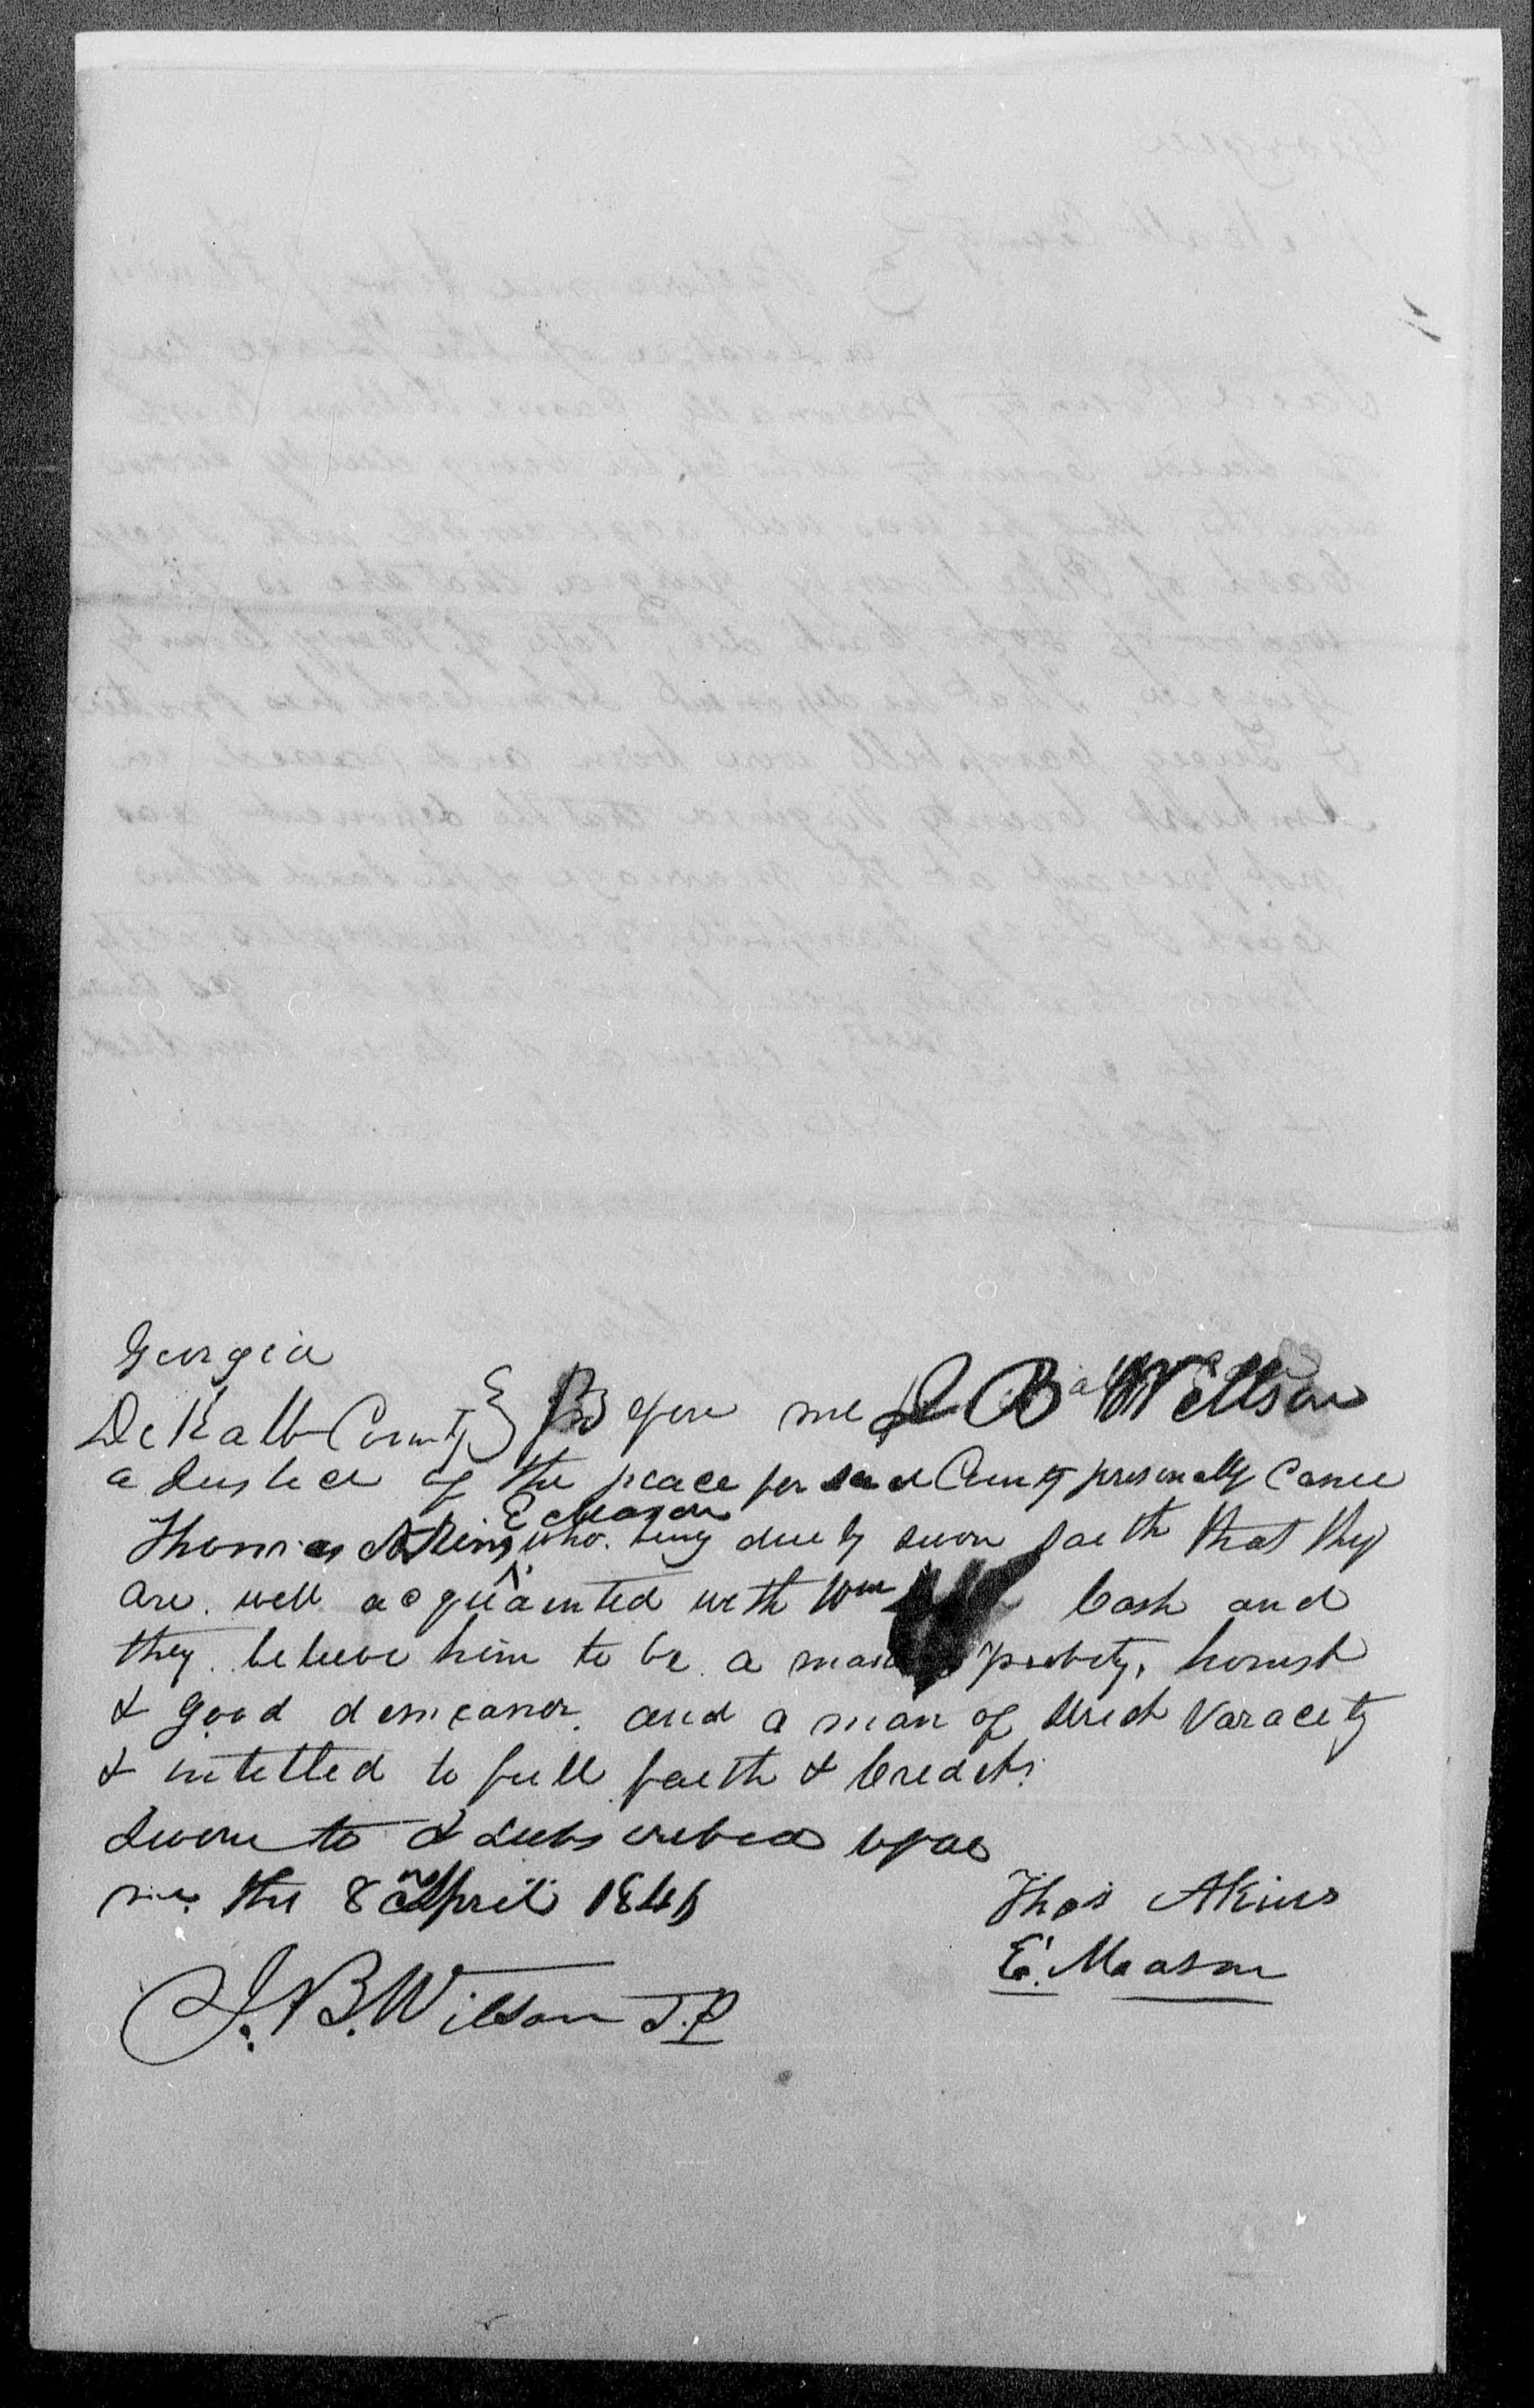Georgia
DeKalb County

Before me, J B Willson, a Justice of the peace for said County, personally came
Thomas King & E Mason who being duly sworn saith that they are well acquainted with Wm Cash, and they believe him to be a man of probity, honest & good demeanor, and a man of strict veracity
& entitled to full faith & credits.
Sworn to & subscribed before me 
the 8 April 1846         
    J. B. Wilson J.P
                                       Thos Akins
                                        E. Mason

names: Thos Akins, Thomas N King, E Mason, J B Willson, Wm Cash, J B Wilson, E Mason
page: 71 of 73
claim: widow's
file: W. 5,894, John Cash, Va.